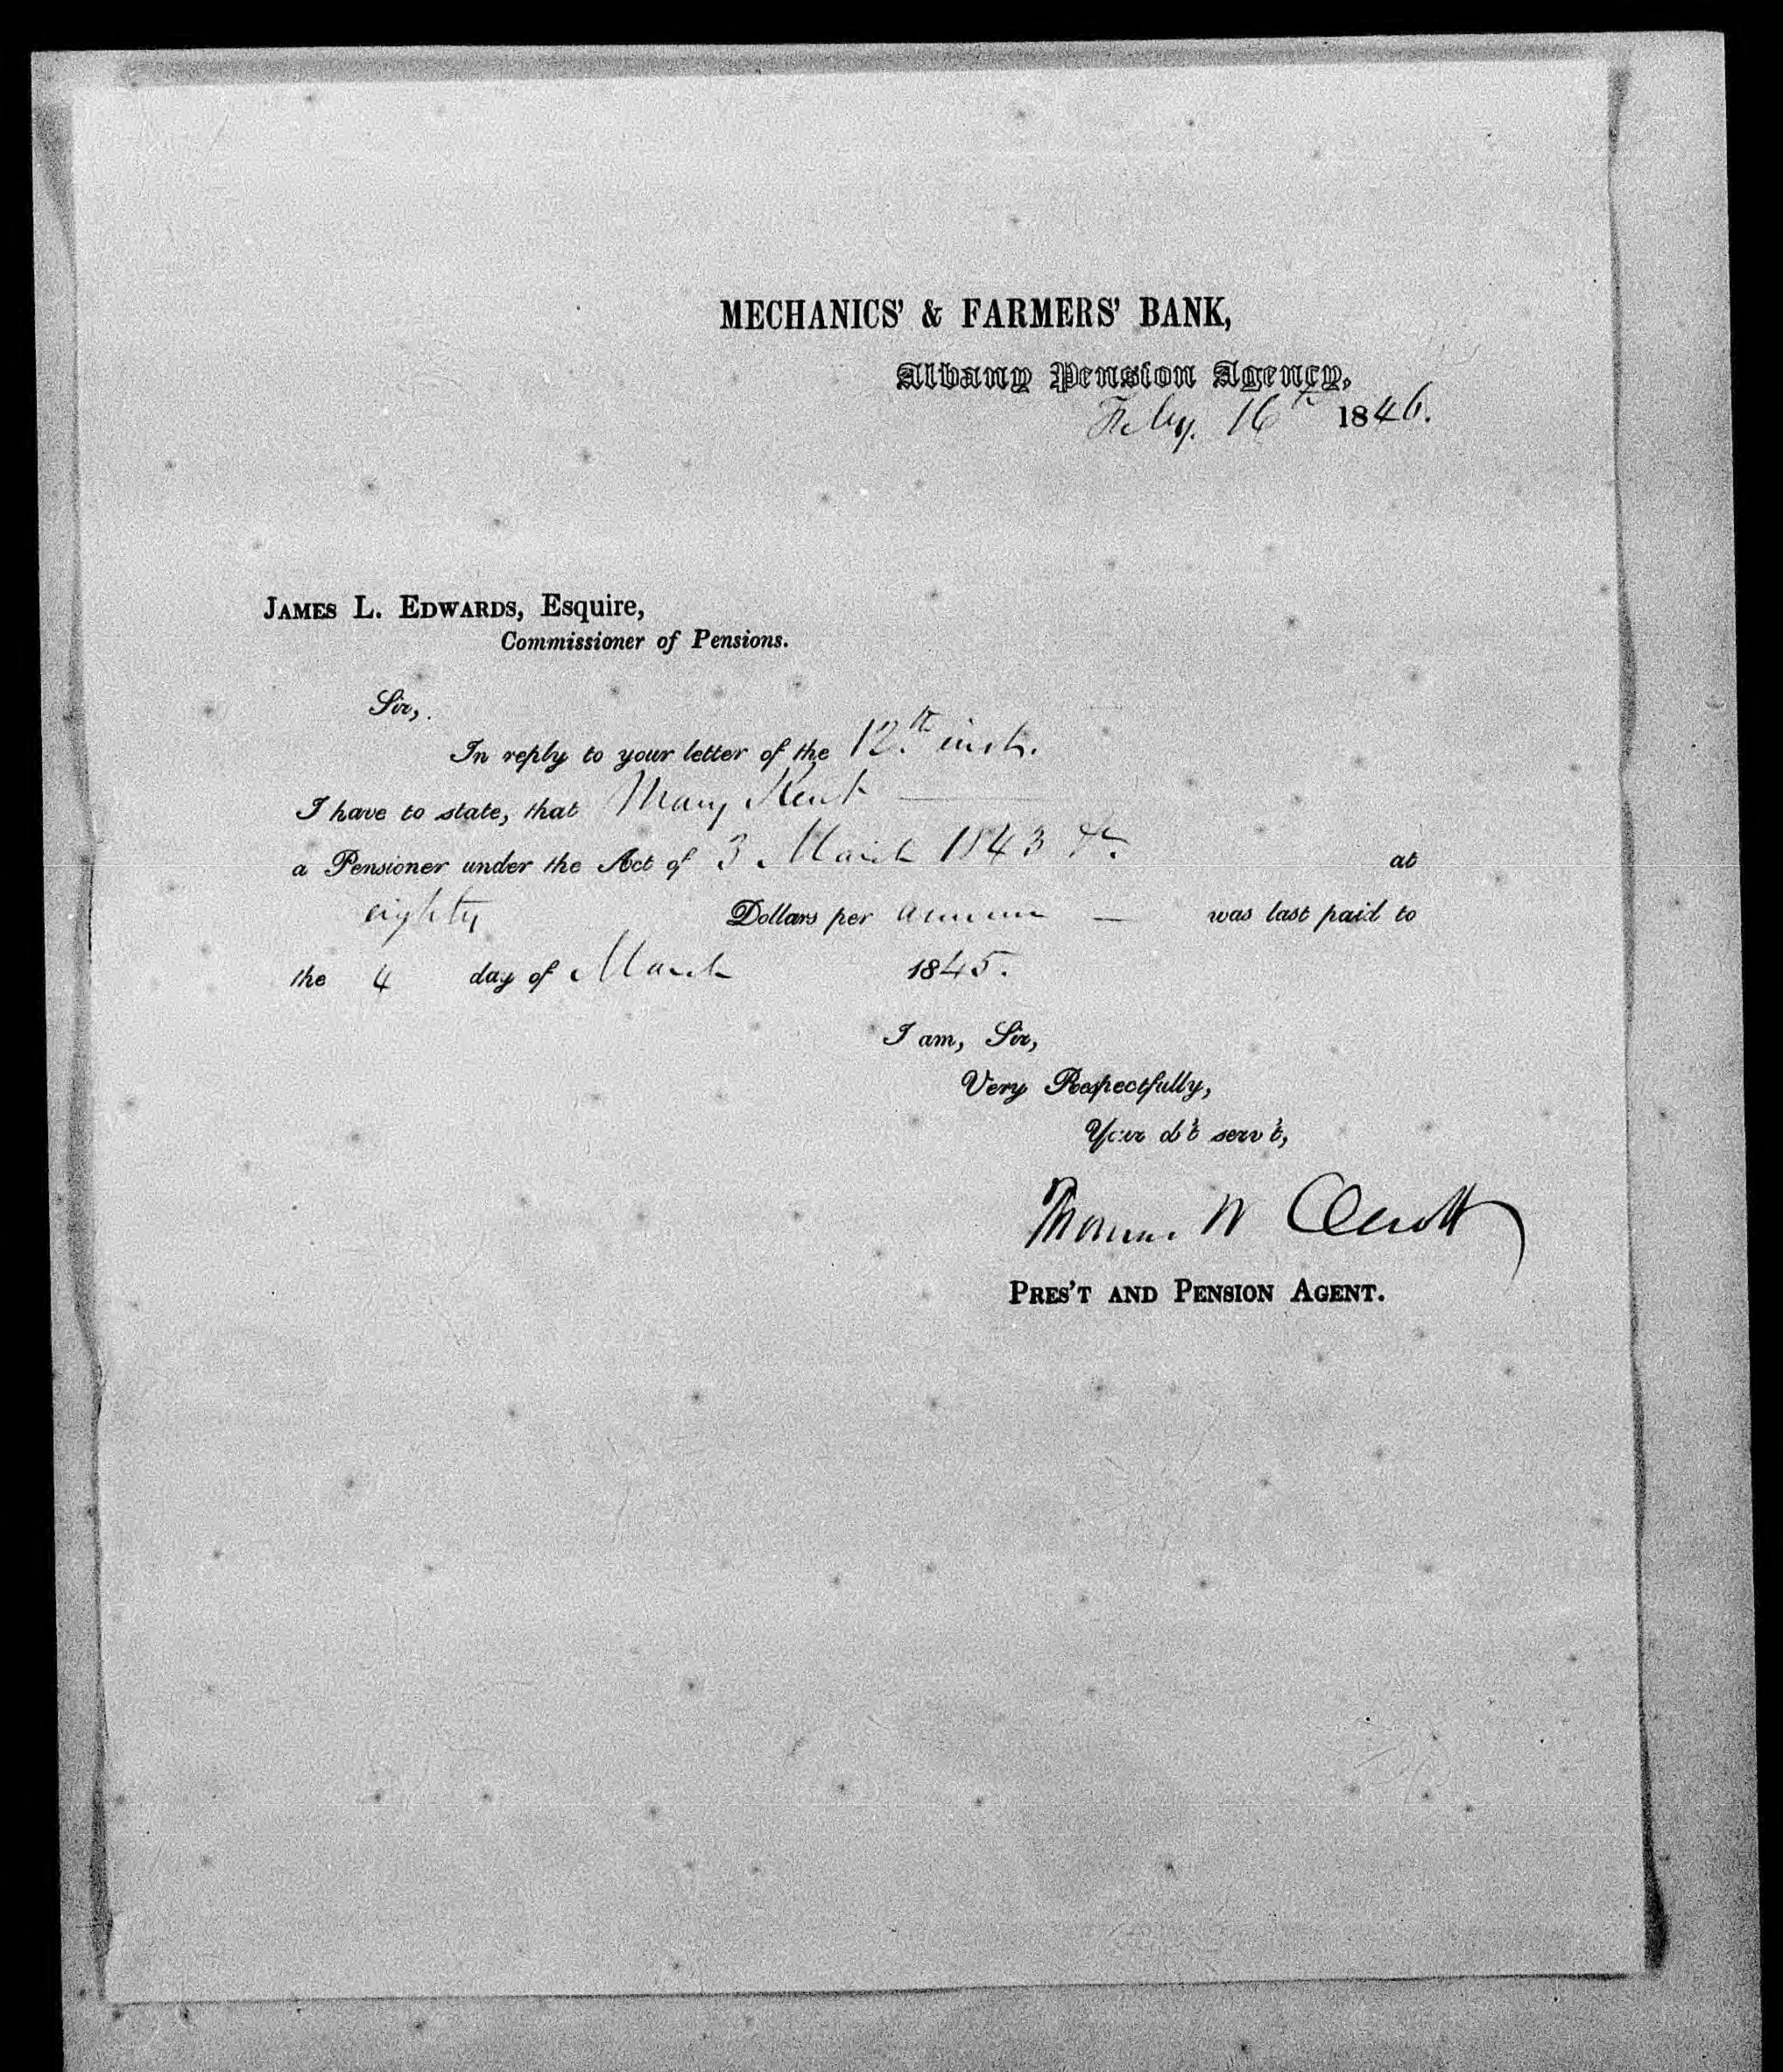MECHANICS'  & FARMERS' BANK,
ALBANY PENSION AGENCY,
Feb. 16th  1846.


James L. Edwards, Esquire,
Commissioner of Pension.

Sir,
In reply to your letter of the 12th inst.
I have to state, that Mary Kent
a Pension under the Act of 3. March 1843 &c
as eighty Dollars per annum was last paid to the 4 day of March  1845.

I am, Sir,
Very Respectfully,
Your ob't servt,
Thomas W Ondt

Pres't and Pension Agent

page: 30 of 50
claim: widow's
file: W. 4253, for John Kent, Vermont